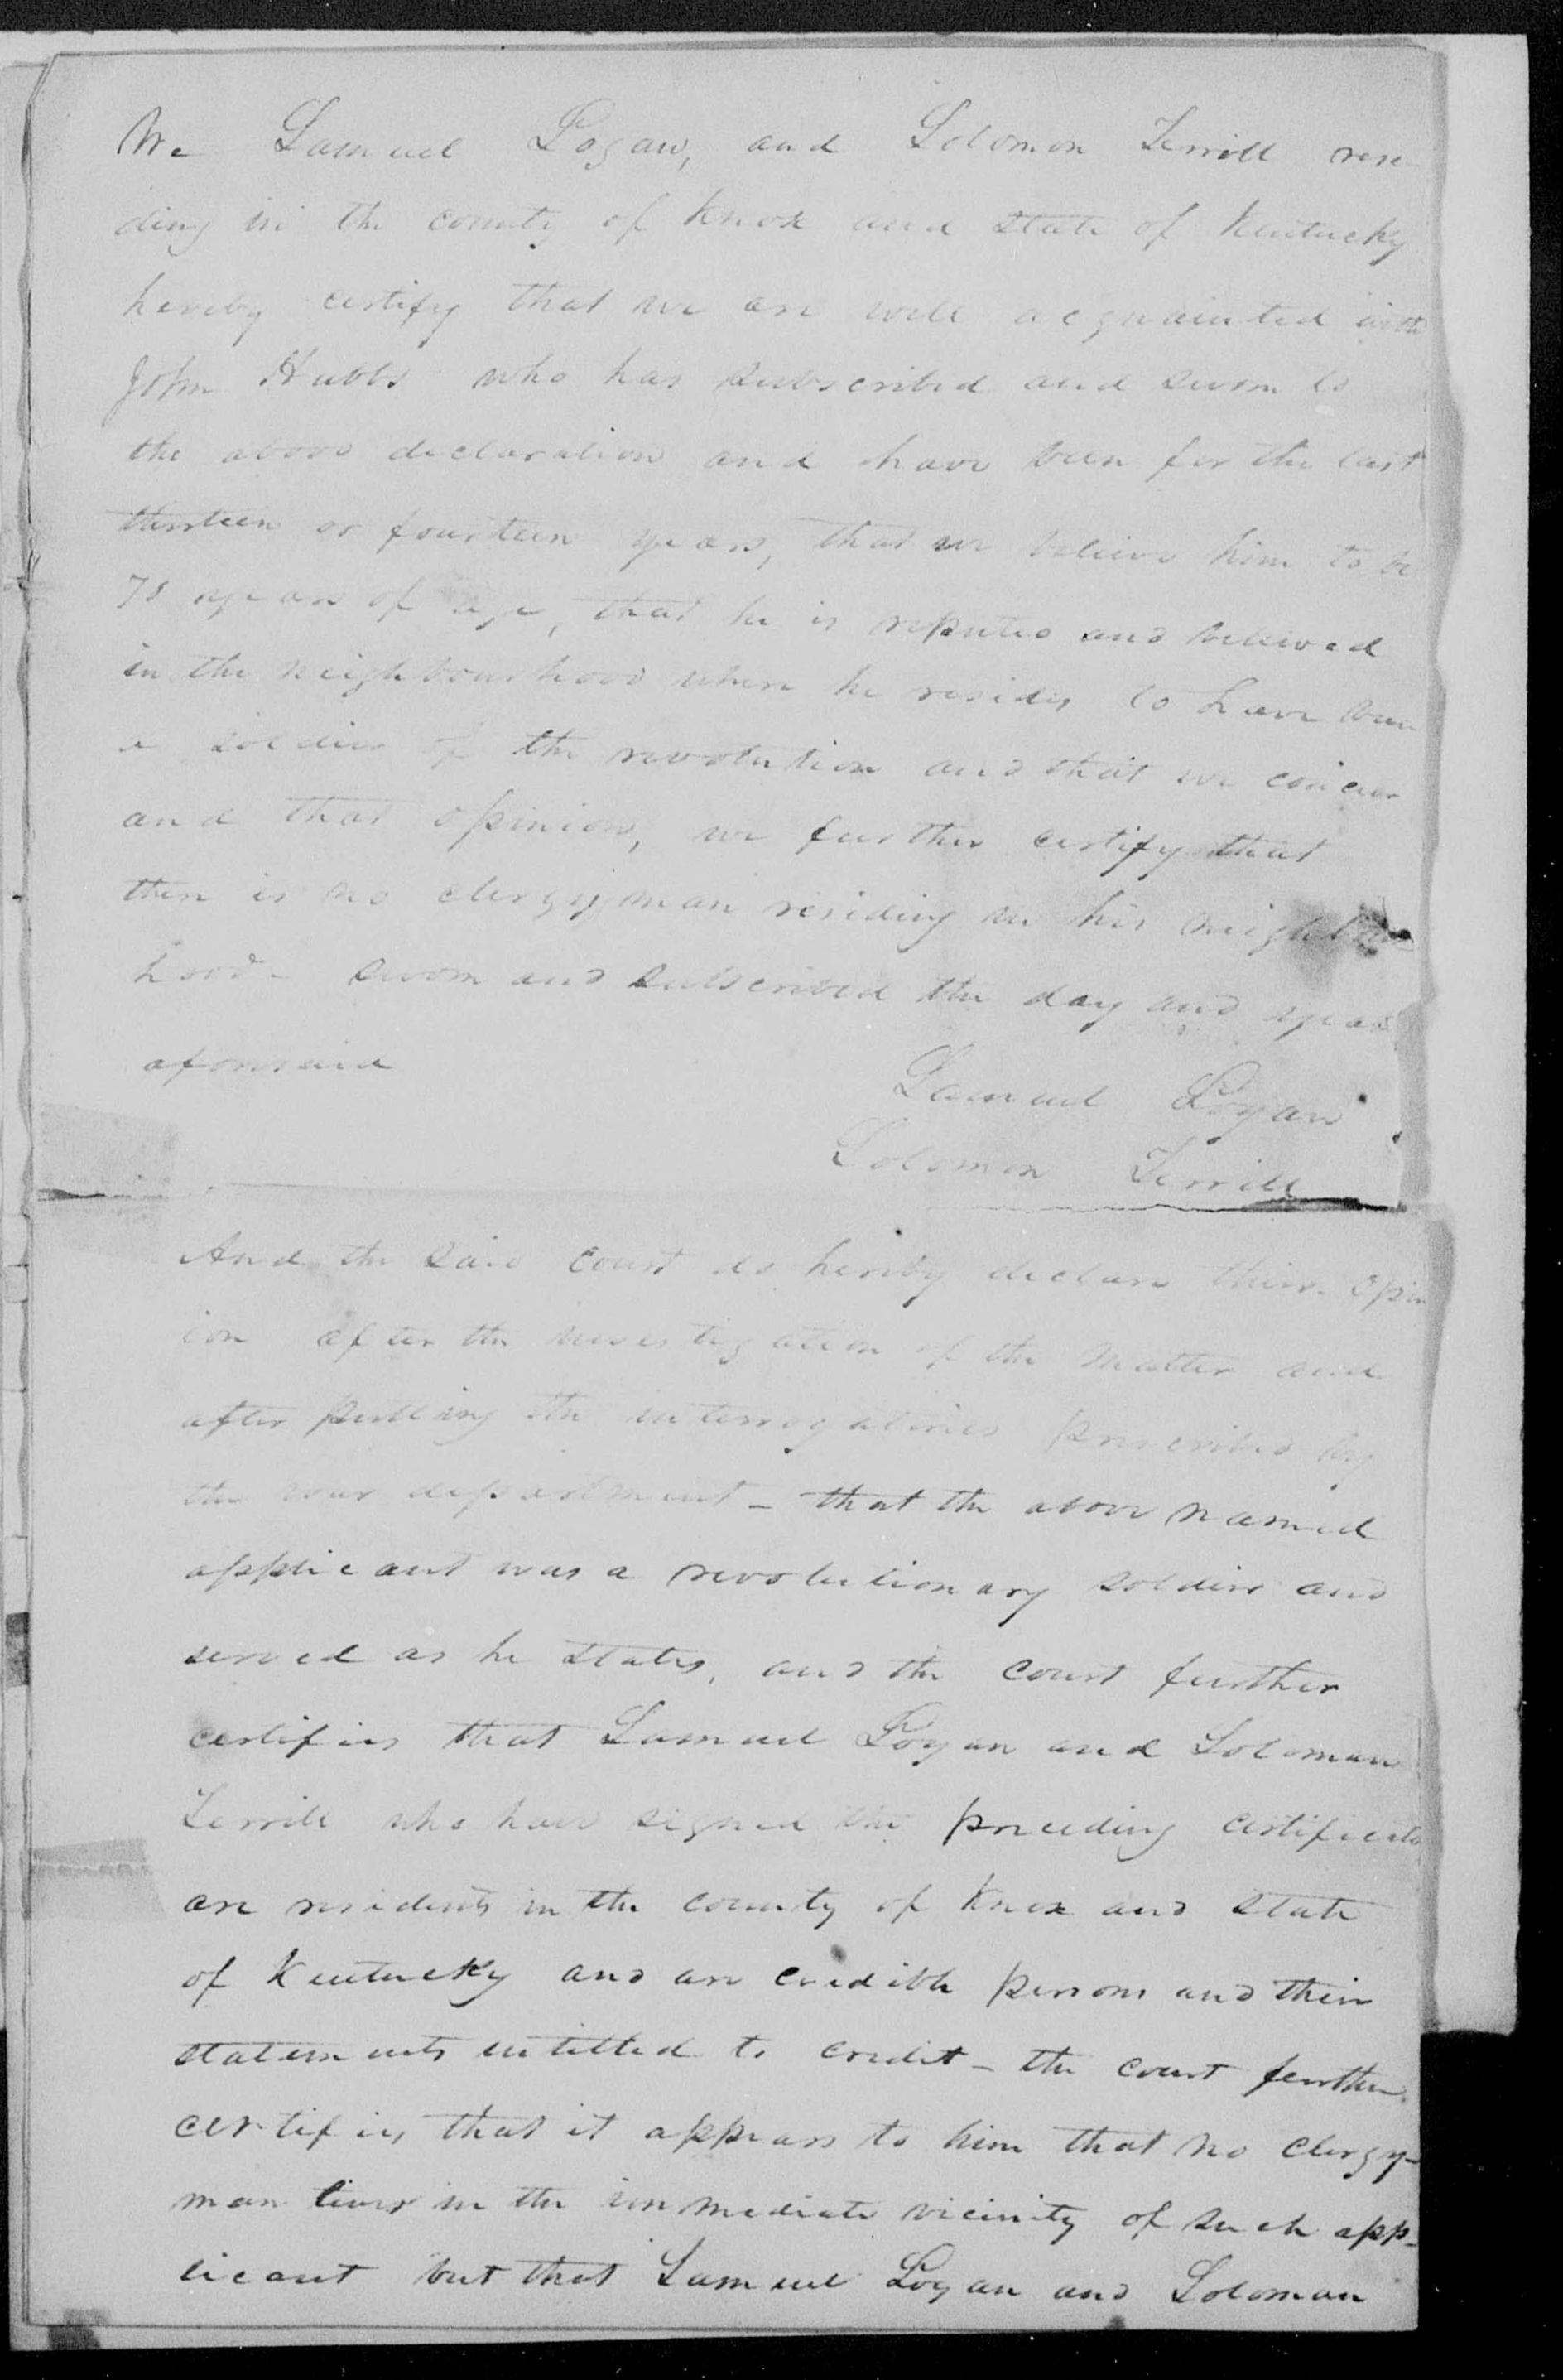We Samuel Logan and Solomon Lewill residing in the County of Knox and State of Kentucky hereby certify that  we are well acquainted with John Hubbs  who has subscribed and sworn to the above declaration and have been for the last thirteen or fourteen years , that we believe him to be 70 years of age, that he is reputed and believed in the neighborhood where he resides to have been a soldier of the revolution and that we concur in that opinion, and further certify that there is no clergyman residing in his neighborhood . Sworn  and subscribed the day and year aforesaid .  Samuel Logan ( signed ) Solomon Lewill ( signed )  And the said Court do hereby declare their opinion after the investigation of the matter and after putting the interrogatories prescribed by the war department that the above named applicant was a revolutionary soldier and served as he states , and the Court  further certifies that Samuel Logan and  Solomon Lewill who have signed the preceding certificate are residents in the County of Knox and State of Kentucky  and are credible persons and their statements are entitled to credit- the Court further certifies that it appears to them that no clergyman  lives in the immediate vicinity of such applicant but that Samuel Logan and Solomon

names: John Hubbs, Samuel Logan, Soloman Lewill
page: 9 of 86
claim: widow's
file: W. 1035, John Hubbs, S.C.